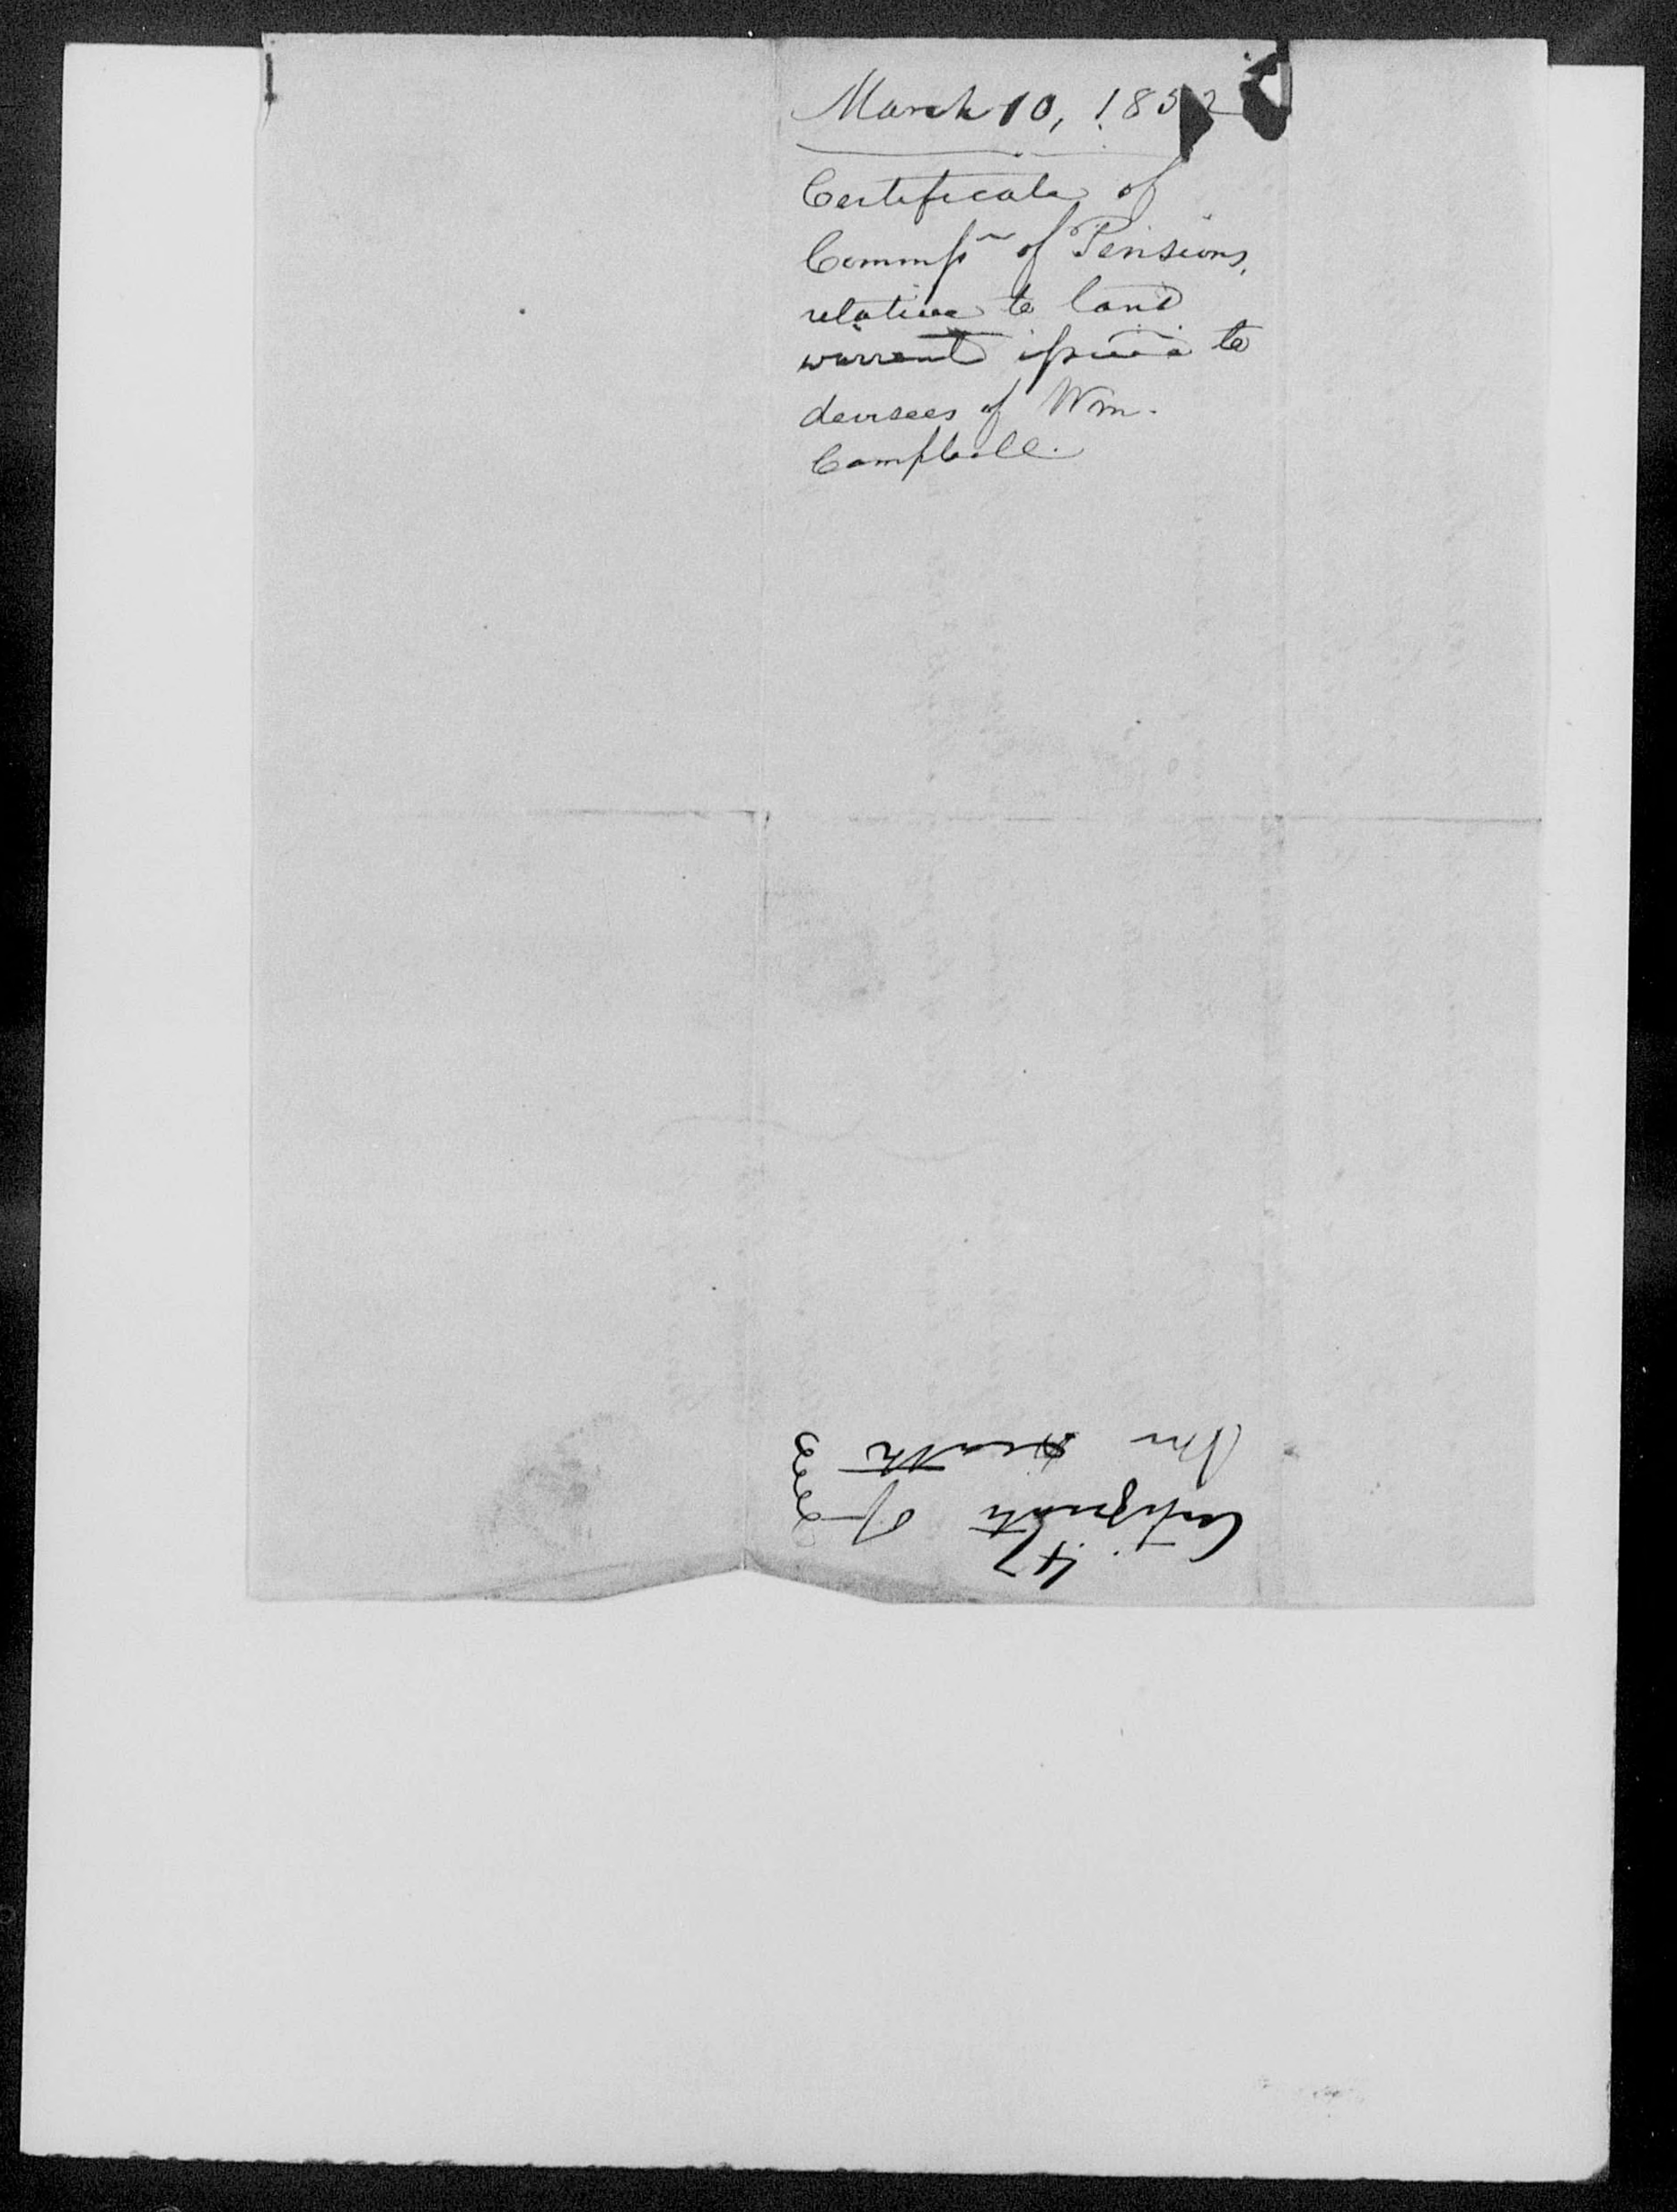March 10, 1852

Certificate of Commiss~  of Pensions. relative to land warrant issued to devisees of Wm. Campbell.


[following text is written upside down at bottom of page]

47
Certificate of Mr Heath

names: Wm Campbell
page: 19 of 267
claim: widow's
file: W. 4,149, William Campbell, Va.